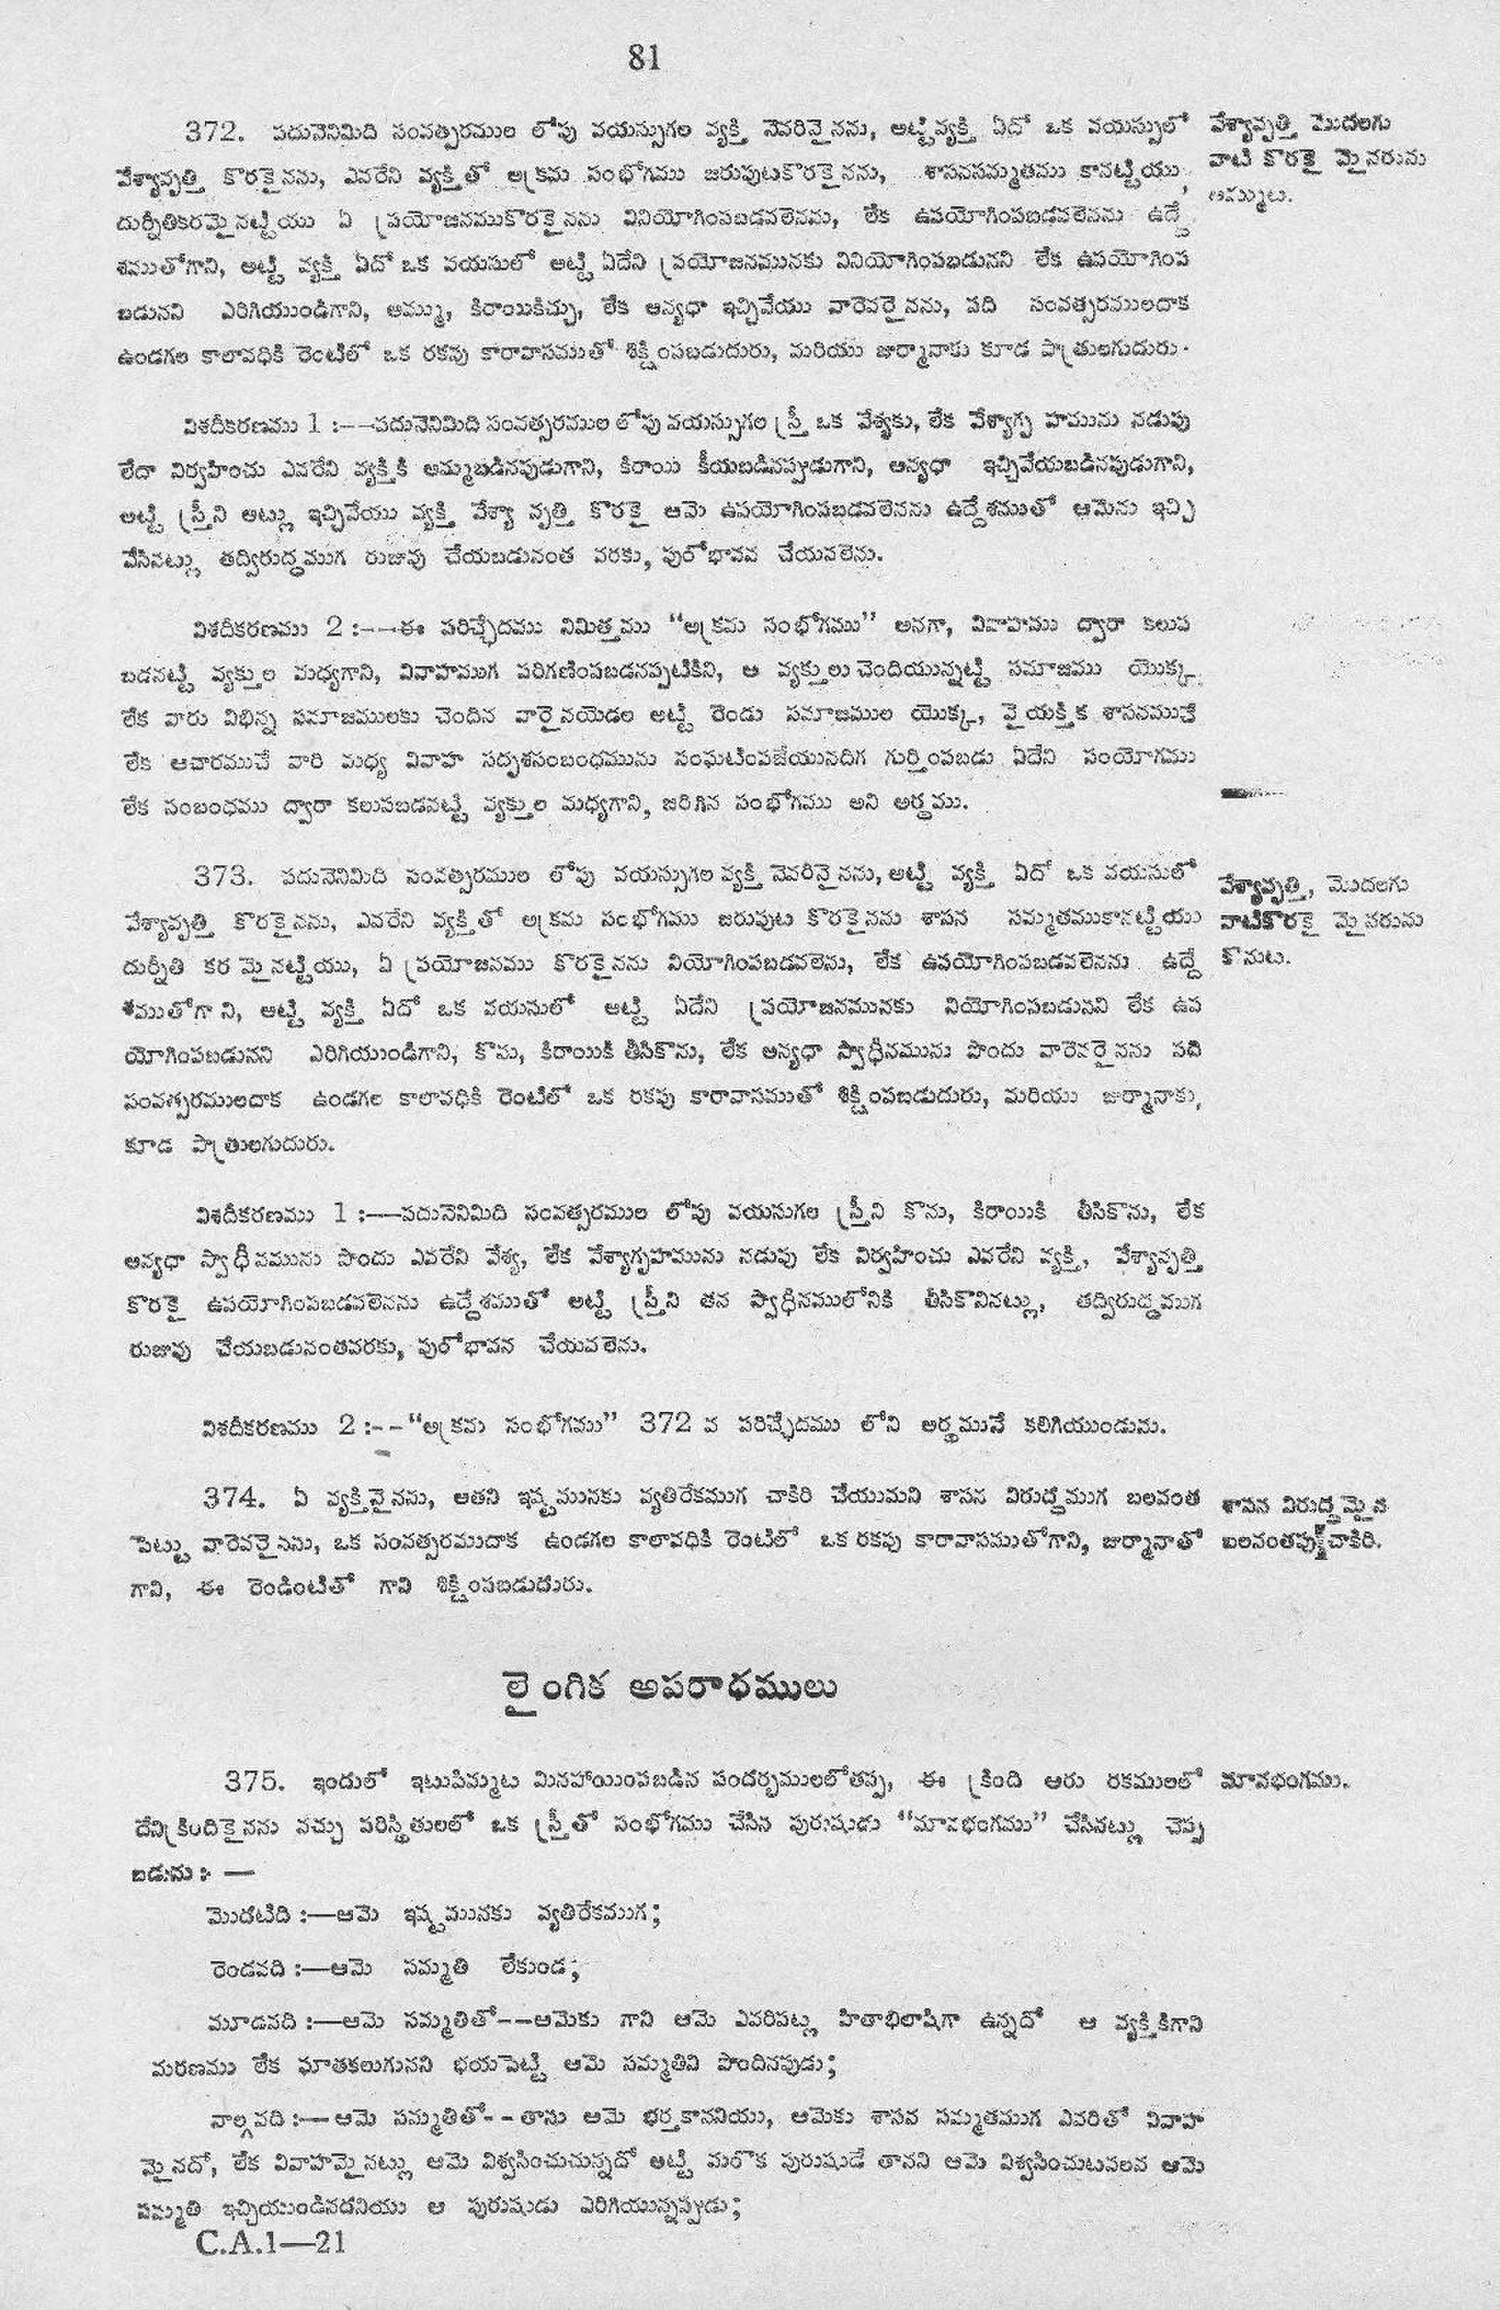వేశ్యావృత్తి మొదలగు వాటి కొరకై మైనరును అమ్ముట.

372. పదునెనిమిది సంవత్సరముల లోపు వయస్సుగల వ్యక్తి నెవరినై నను, అట్టి వ్యక్తి. ఏదో ఒక వయస్సులో వేశ్యావృత్తి కొరకైనను, ఎవరేని వ్యక్తితో అక్రమ సంభోగము జరుపుట కొరకైనను, శాసనసమ్మతము కానట్టియు దుర్నీతికరమైనట్టియు ఏ ప్రయోజనము కొరకైనను వినియోగింపబడవలెనను, లేక ఉపయోగింపబడవలెనను ఉద్దేశముతోగాని, అట్టి వ్యక్తి ఏదో ఒక వయసులో అట్టి ఏదేని ప్రయోజనమునకు వినియోగింపబడునని లేక ఉపయోగింపబడునని ఎరిగియుండిగాని, అమ్ము, కిరాయికిచ్చు, లేక అన్యధా ఇచ్చివేయు వారెవరైనను, పది సంవత్సరములదాక ఉండగల కాలావధికి రెంటిలో ఒక రకపు కారాహసముతో శిక్షింపబడుదురు, మరియు జుర్మానాకు కూడ పాత్రులగుదురు.

విశదీకరణము 1 :-- పదునెనిమిది సంవత్సరముల లోపు వయస్సుగల స్త్రీ ఒక వేశ్యకు, లేక వేశ్యాగృ హమును నడుపు లేదా నిర్వహించు ఎవరేని వ్యక్తికి అమ్మబడినపుడుగాని, కిరాయి కీయబడినప్పుడుగాని, అన్యధా ఇచ్చివేయబడినపుడుగాని, అట్టి స్త్రీని ఆట్లు ఇచ్చివేయు వ్యక్తి వేశ్యా వృత్తి కొరకై ఆమె ఉపయోగింపబడవలెనను ఉద్దేశముతో ఆమెను ఇచ్చి వేసినట్లు తద్విరుద్ధముగ రుజువు చేయబడునంత వరకు, పురోభావవ చేయవలెను.

విశదీకరణము 2:-- ఈ పరిచ్ఛేదము నిమిత్తము “అక్రమ సంభోగము " అనగా, వివాహము ద్వారా కలుపుబడనట్టి వ్యక్తుల మధ్యగాని వివాహముగా పరిగణింపబడనప్పటికిని, ఆ వ్యక్తులు చెందియున్నట్టి సమాజము యొక్క లేక వారు విభిన్న సమాజములకు చెందిన వారైనయెడల అట్టి రెండు సమాజముల యొక్క, వైయక్తిక శాసనముచే లేక ఆచారముచే వారి మధ్య వివాహ సదృశసంబంధమును సంఘటింపజేయునదిగా గుర్తింపబడు ఏదేని సంయోగము లేక సంబంధము ద్వారా కలుపబడనట్టి వ్యక్తుల మధ్యగాని, జరిగిన సంభోగము అని అర్థము.

వేశ్యావృత్తి, మొదలగు వాటికొరకై మైనరును కొనుట.

373. పదునెనిమిది సంవత్సరముల లోపు వయస్సుగల వ్యక్తి నెవరినై నను, అట్టి వ్యక్తి ఏదో ఒక వయసులో వేశ్యావృత్తి కొరకైనను, ఎవరేని వ్యక్తితో అక్రమ సంభోగము జరుపుట కొరకై నను శాసన సమ్మతము కానట్టియు దుర్నీతి కర మైనట్టియు, ఏ ప్రయోజనము కొరకైనను నియోగింపబడవలెను, లేక ఉపయోగింపబడవలెనను ఉద్దేశముతోగాని, అట్టి వ్యక్తి ఏదో ఒక వయసులో అట్టి ఏదేని ప్రయోజనమునకు నియోగింపబడునని లేక ఉపయోగింపబడునని ఎరిగియుండిగాని, కొను, కిరాయికి తీసికొను, లేక అన్యధా స్వాధీనమును పొందు వారెవరైనను పది సంవత్సరములదాక ఉండగల కాలావధికి రెంటిలో ఒక రకపు కారావాసముతో శిక్షింపబడుదురు, మరియు జుర్మానాకు, కూడ పాత్రులగుదురు.

విశదీకరణము 1:--పదునెనిమిది సంవత్సరముల లోపు వయసుగల స్త్రీని కొను, కిరాయికి తీసికొను, లేక అన్యధా స్వాధీనమును పొందు ఎవరేని వేశ్య, లేక వేశ్యాగృహమును నడుపు లేక నిర్వహించు ఎవరేని వ్యక్తి, వేశ్యావృత్తి కొరకై ఉపయోగింపబడవలెనను ఉద్దేశముతో అట్టి స్త్రీని తన స్వాధీనములోనికి తీసికొనినట్లు, తద్విరుద్దముగ రుజువు చేయబడునంతవరకు, పురోభావన చేయవలెను,

విశదీకరణము 2 :-- "అక్రమ సంభోగము” 372 వ పరిచ్ఛేదము లోని అర్థమునే కలిగియుండును,

శాసన విరుద్దమైన బలవంతపు చాకిరి,

374. ఏ వ్యక్తి నై నసు, అతని ఇష్టమునకు వ్యతిరేకముగ చాకిరి చేయుమని శాసన విరుద్ధముగ బలవంత పెట్టు వారెవరైనను, ఒక సంవత్సరముదాక ఉండగల కాలావధికి రెంటిలో ఒక రకపు కారావాసముతో గాని, జుర్మానాతో గాని, ఈ రెండింటితో గాని శిక్షింపబడుదురు,

375. ఇందులో ఇటు పిమ్మట మినహాయింపబడిన సందర్భములలో తప్ప, ఈ క్రింది ఆరు రకములలో మానభంగము, దీని క్రింది కై నను వచ్చు పరిస్థితులలో ఒక స్త్రీ తో సంభోగము చేసిన పురుషుడు “మాన భంగము" చేసినట్లు చెప్పబడును -

మొదటిది :—ఆమె ఇష్టమునకు వ్యతిరేకముగ;

రెండవది :—ఆమె సమ్మతి లేకుండ;

మూడవది :—ఆమె సమ్మతితో--ఆమెకు గాని ఆమె ఎవరిపట్ల హితాభిలాషిగా ఉన్నదో ఆ వ్యక్తి కిగాని మరణము లేక ఘాతకలుగునని భయపెట్టి ఆమె సమ్మతిని పొందినపుడు;

నాల్గవది --- ఆమె సమ్మతితో. - తాను ఆమె భర్త కాననియు, ఆమెకు శాసన సమ్మతముగ ఎవరితో వివాహమై నదో, లేక వివాహమై నట్లు ఆమె విశ్వసించుచున్నదో అట్టి మరొక పురుషుడే తానని ఆమె విశ్వసించుటవలన ఆమె సమ్మతి ఇచ్చియుండినదనియు ఆ పురుషుడు ఎరిగియున్నప్పుడు ;